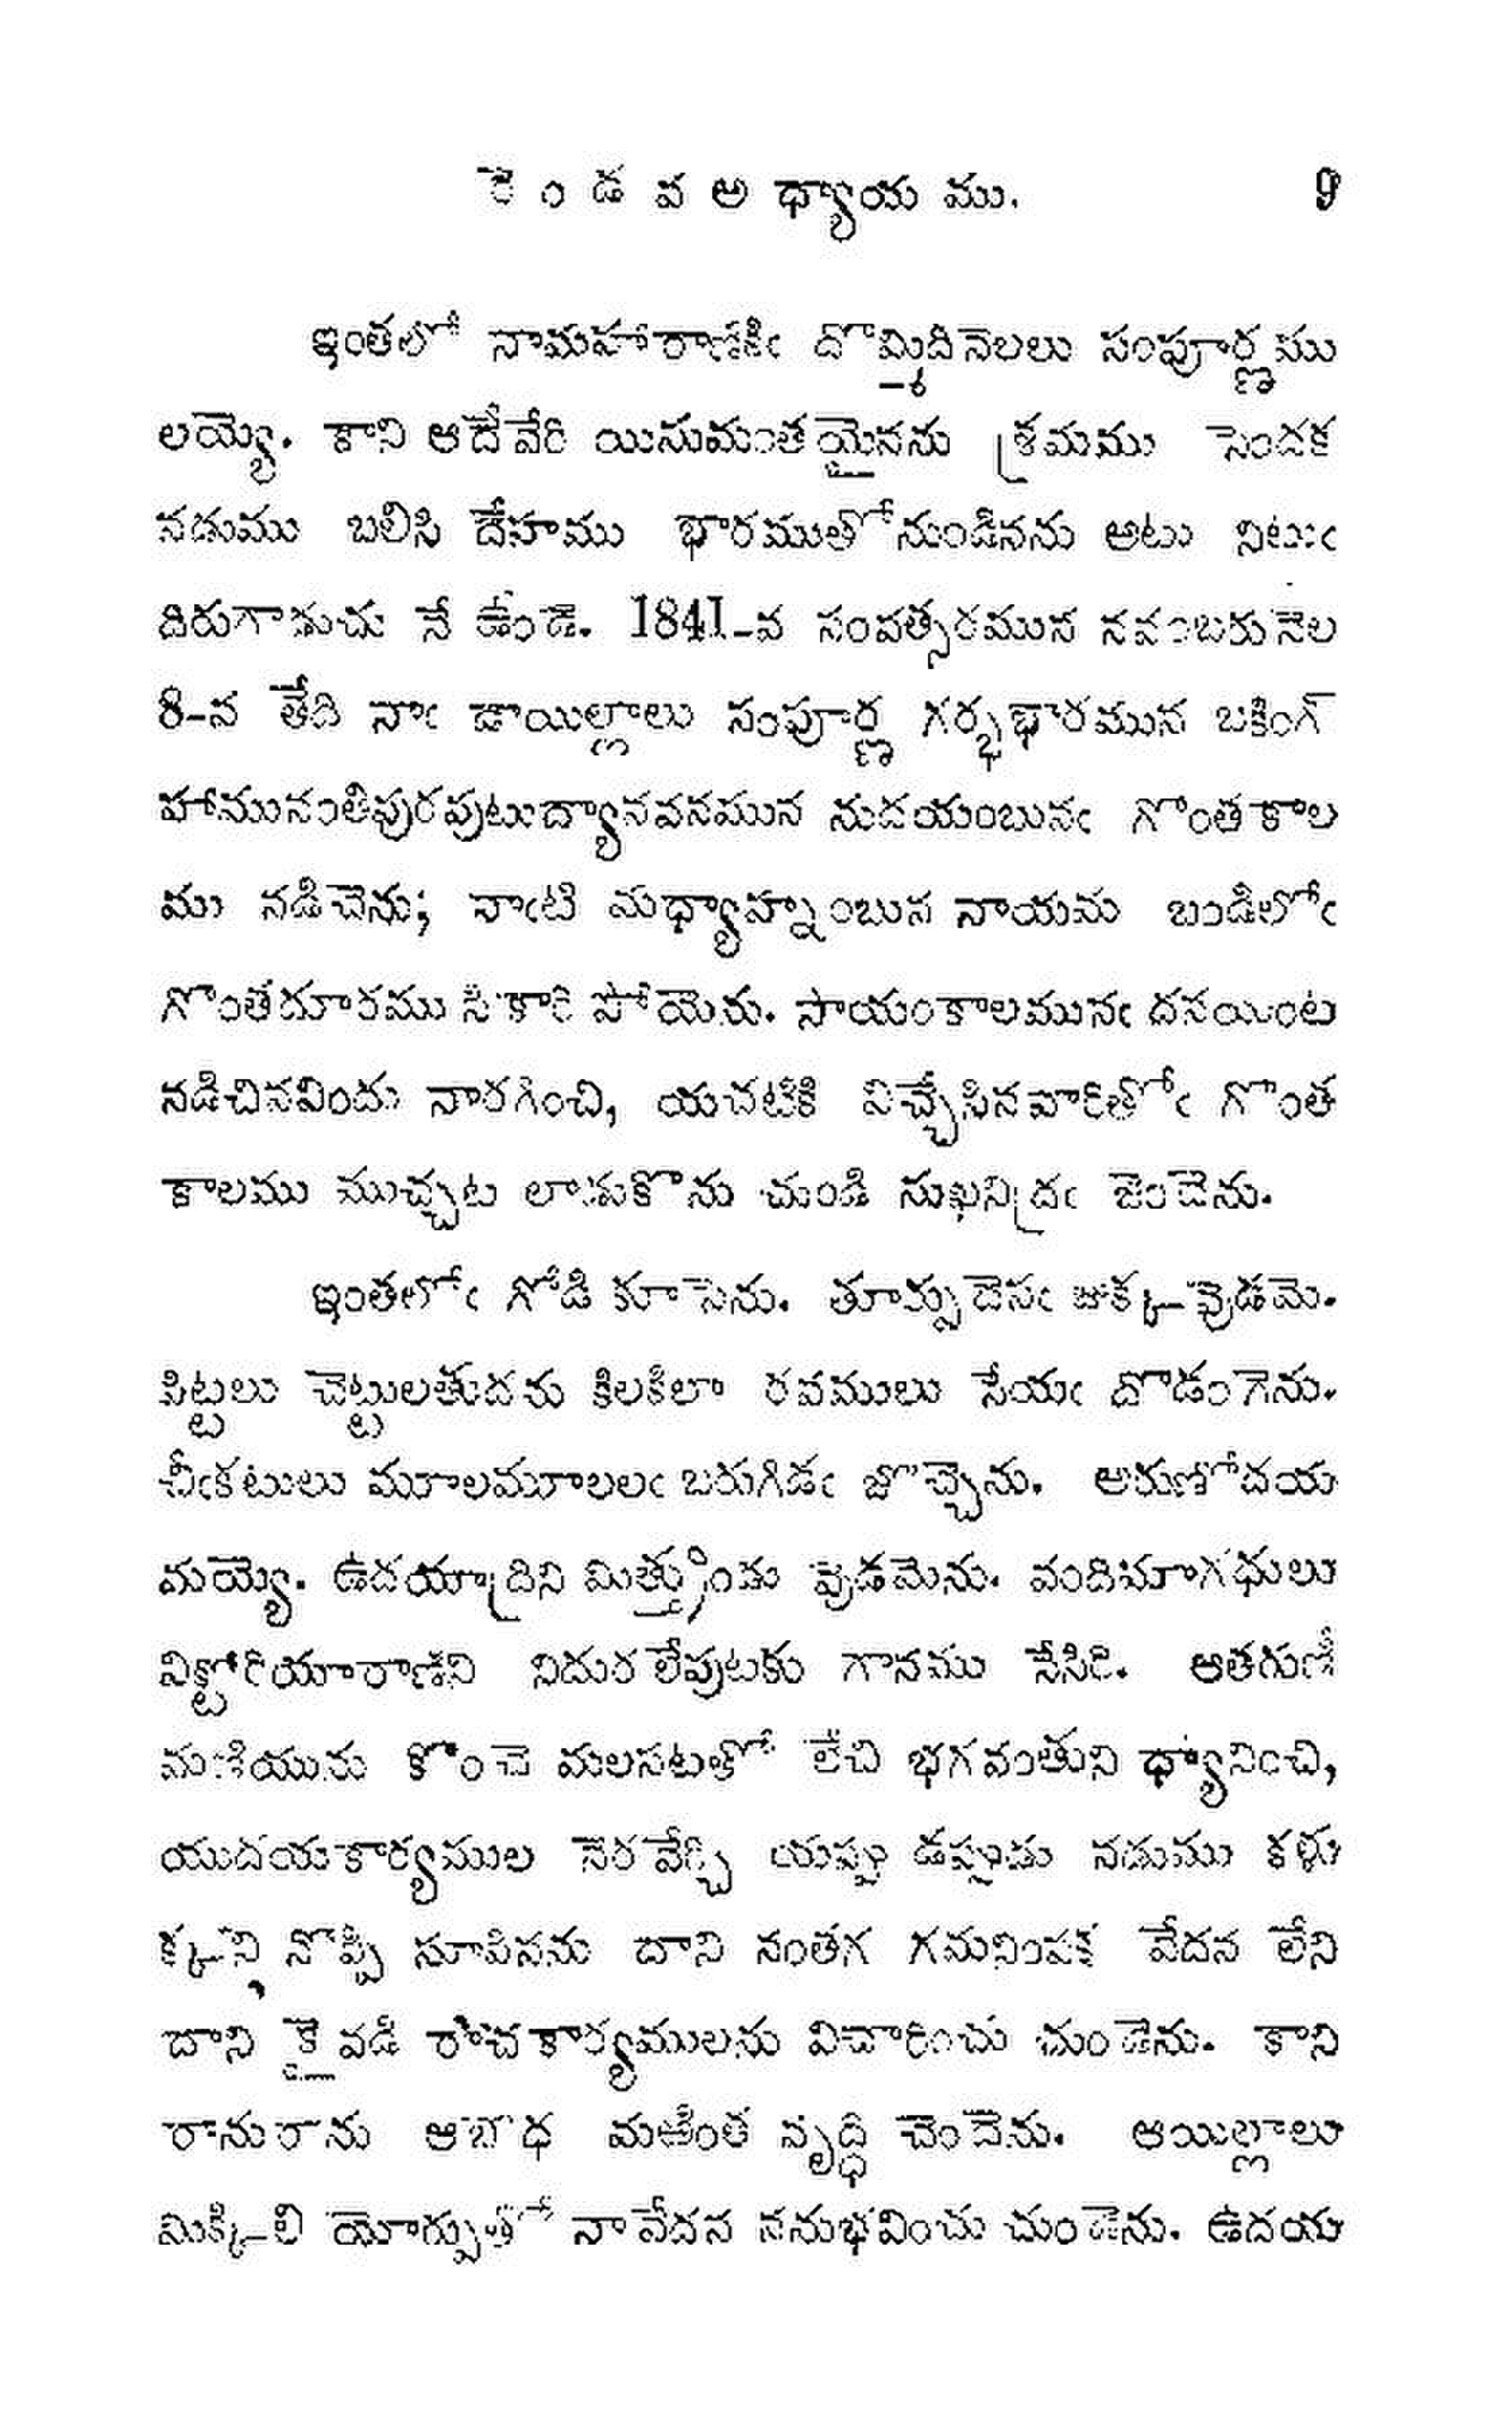ఇంతలో నామహారాజ దొమ్మిది నెలలు సంపూర్ణములయ్యే. కాని అదేవేరి యిసుమంత యైనను శ్రమము సెందక నడుము బలిసి దేహము భారముతో నుండినను అటు నిటఁ దిరుగాడుచు నే ఉండె. 1841 వ సంవత్సరమున నవంబరు నెల 8-న తేది నాడాయిల్లాలు సంపూర్ణ గర్భభారమున బకింగ్ హామున తిపుర పుటు ద్యానవనమున నుదయంబునఁ గోంత కాలము నడిచెను; నాఁటి మధ్యాహ్నంబున నాయమ బండిలో గొంతదూరము కాని పోయెను. సాయంకాలమునందనయింట
నడిచినవిందు. నారగించి, యచటికి విచ్చేసిన వారితోఁ గొంత కాలము ముచ్చట లాడుకొను చుండి సుఖనిద్రఁ జెందెను.

ఇంతలో గోడి కూసెను. తూర్పు దేసం జుక్క వుడమె.పిట్టలు చెట్టులతుదకు కిలకిలా రవములు సేయఁ దొడంగెను.చీకటులు మూలమూలలఁ బరుగిడఁ జొచ్చెను. అరుణోదయమయ్యే. ఉదయాద్రిని మిత్తుండు వుడమెను. వందిమాగధులు విక్టోరియా రాణిని నిదుర లేపుటకు గానము సేసి.. అతరుణీ మణియును కొంచె మలసటతో లేచి భగవంతుని ధ్యానించి,యుదయ కార్యముల నెరవేర్చి యప్పుడప్పుడు నడుము క ళుక్కని నొప్పీ సూపినను దాని నంతగ గమనింషక వేదన లేని దాని కై వడి రాచ కార్యములను విచారించు చుండెను. కాని రానురాను ఆబాధ మఱింత వృద్ధి చెందెను. అయిల్లాలు మిక్కిలి యోర్పుతో. నా వేదన ననుభవించు చుండెను. ఉదయ